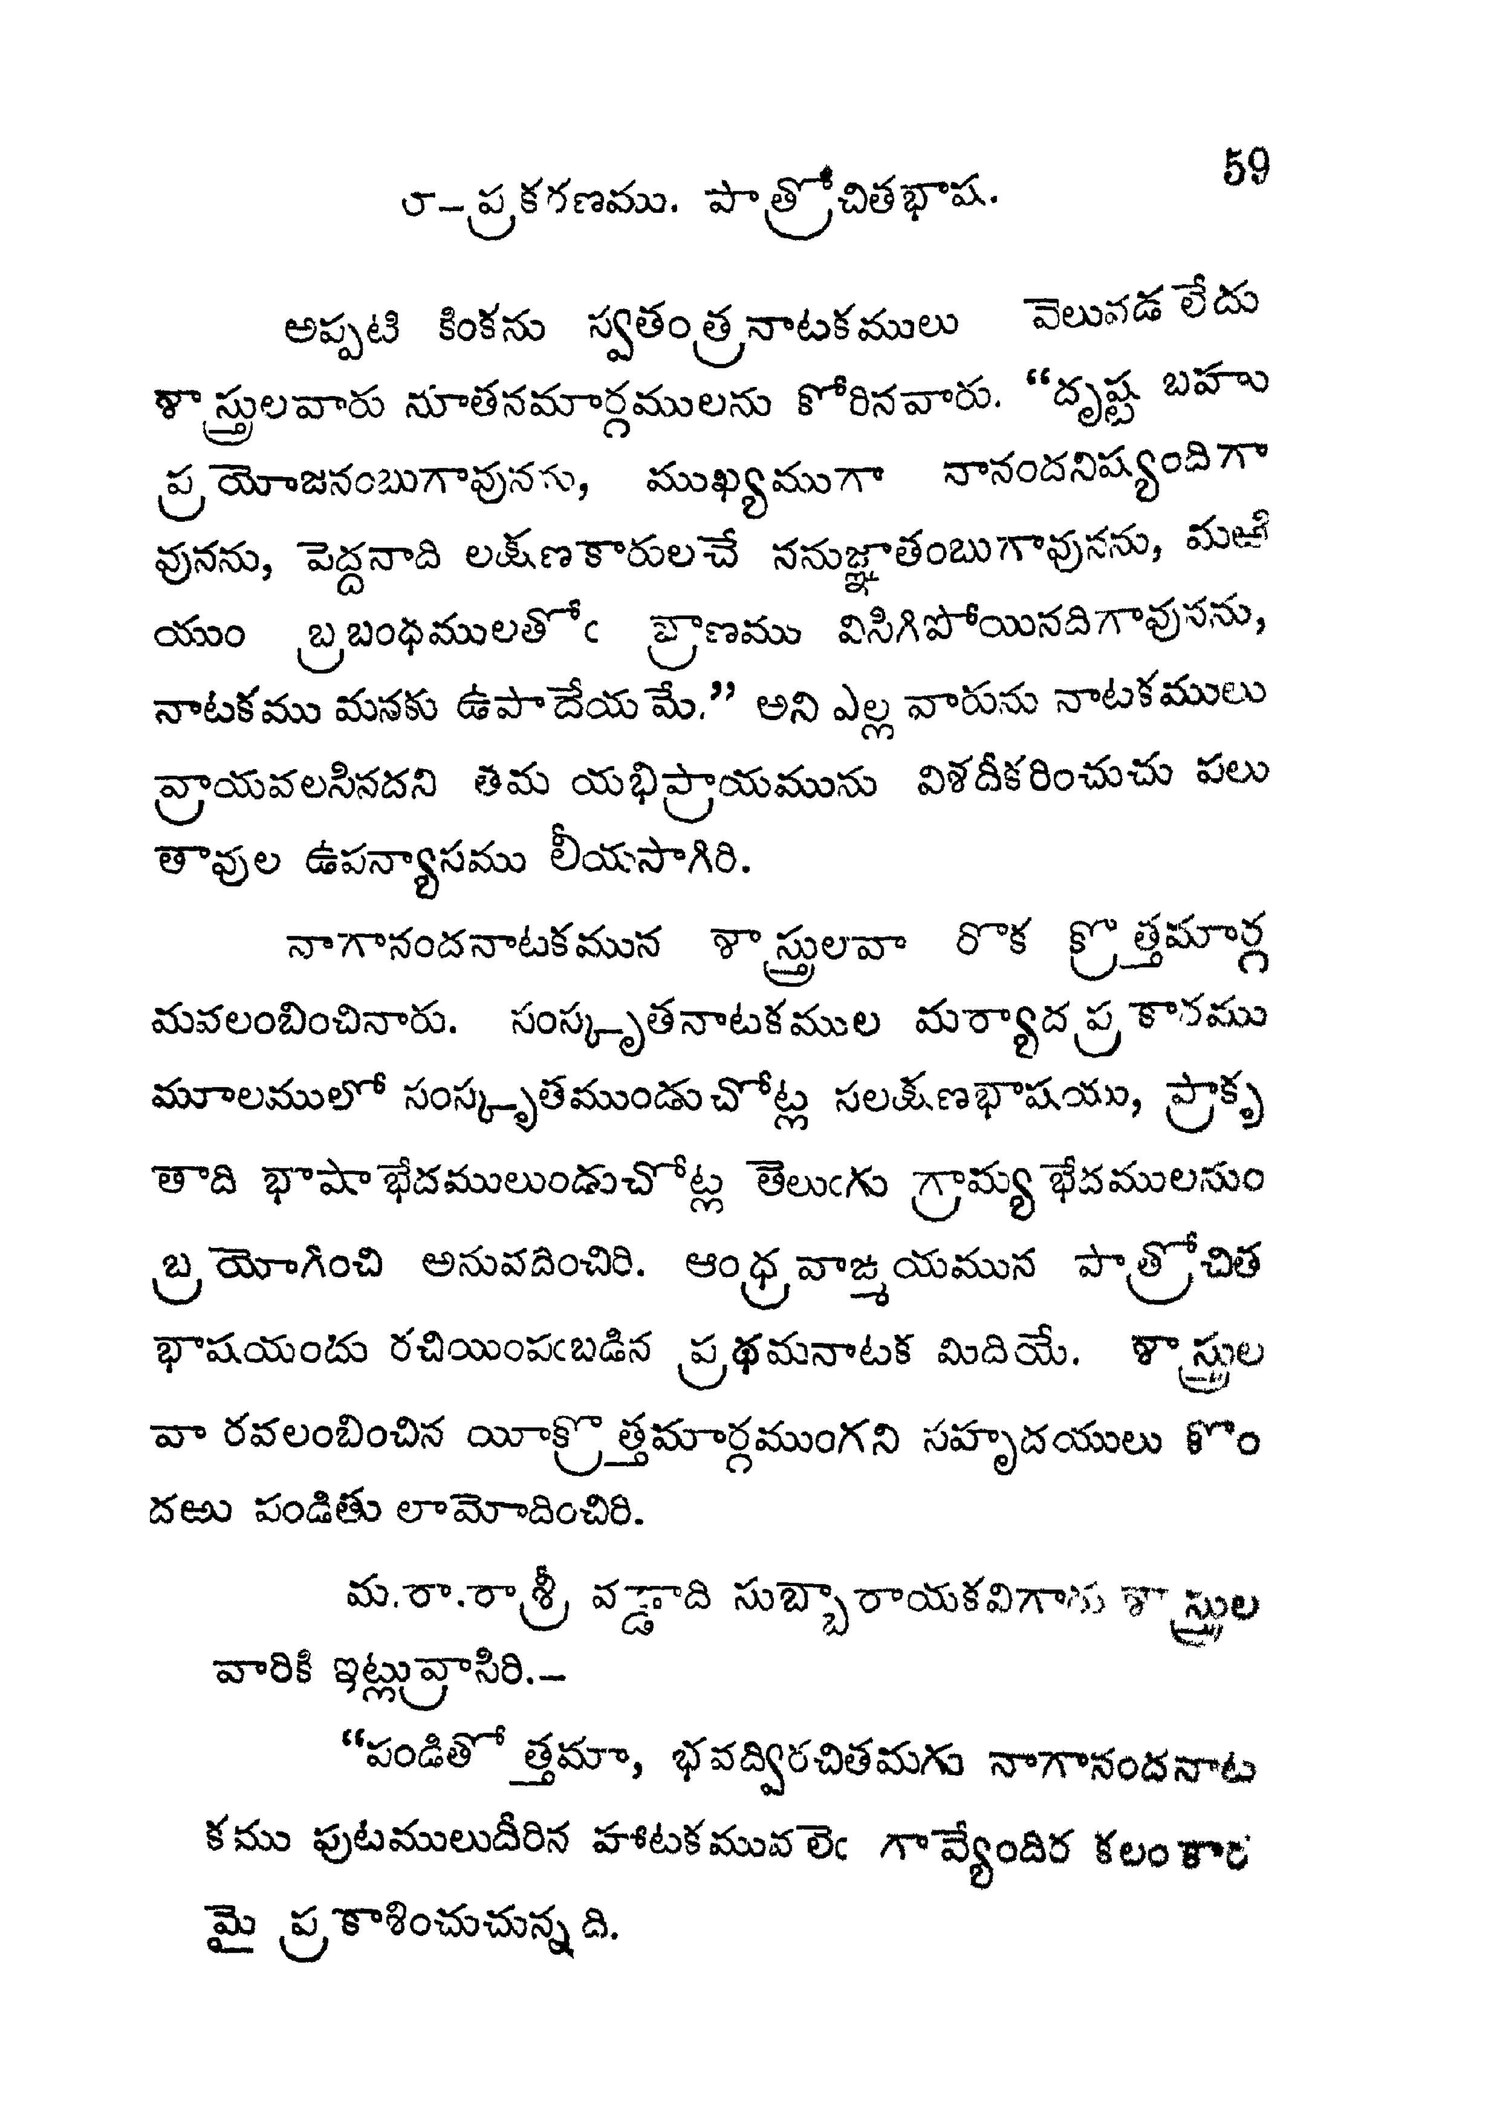అప్పటి కింకను స్వతంత్రనాటకములు వెలువడలేదు. శాస్త్రులవారు నూతనమార్గములను కోరినవారు. "దృష్ట బహుప్రయోజనంబుగావునను, ముఖ్యముగా నానందనిష్యందిగావునను, పెద్దనాది లక్షణకారులచే ననుజ్ఞాతంబుగావునను, మఱియుం బ్రబంధములతో బ్రాణము విసిగిపోయినది గావునను, నాటకము మనకు ఉపాదేయమే." అని ఎల్లవారును నాటకములు వ్రాయవలసినదని తమ యభిప్రాయమును విశదీకరించుచు పలుతావుల ఉపన్యాసము లీయసాగిరి.

నాగానంద నాటకమున శాస్త్రులవా రొక క్రొత్తమార్గ మవలంబించినారు. సంస్కృతనాటకముల మర్యాదప్రకారము మూలములో సంస్కృతముండుచోట్ల సలక్షణభాషయు, ప్రాకృతాది భాషాభేదములుండుచోట్ల తెలుగు గ్రామ్యభేదములనుం బ్రయోగించి అనువదించిరి. ఆంధ్రవాఙ్మయమున పాత్రోచిత భాషయందు రచియింపబడిన ప్రథమనాటక మిదియే. శాస్త్రులవా రవలంబించిన యీక్రొత్తమార్గముంగని సహృదయులు కొందఱు పండితు లామోదించిరి.

మ.రా.రా శ్రీ వడ్డాది సుబ్బారాయకవిగారు శాస్త్రులవారికి ఇట్లువ్రాసిరి.-

"పండితోత్తమా, భవద్విరచితమగు నాగానందనాటకము పుటములుదీరిన హాటకమువలె గావ్యేందిర కలంకారమై ప్రకాశించుచున్నది.